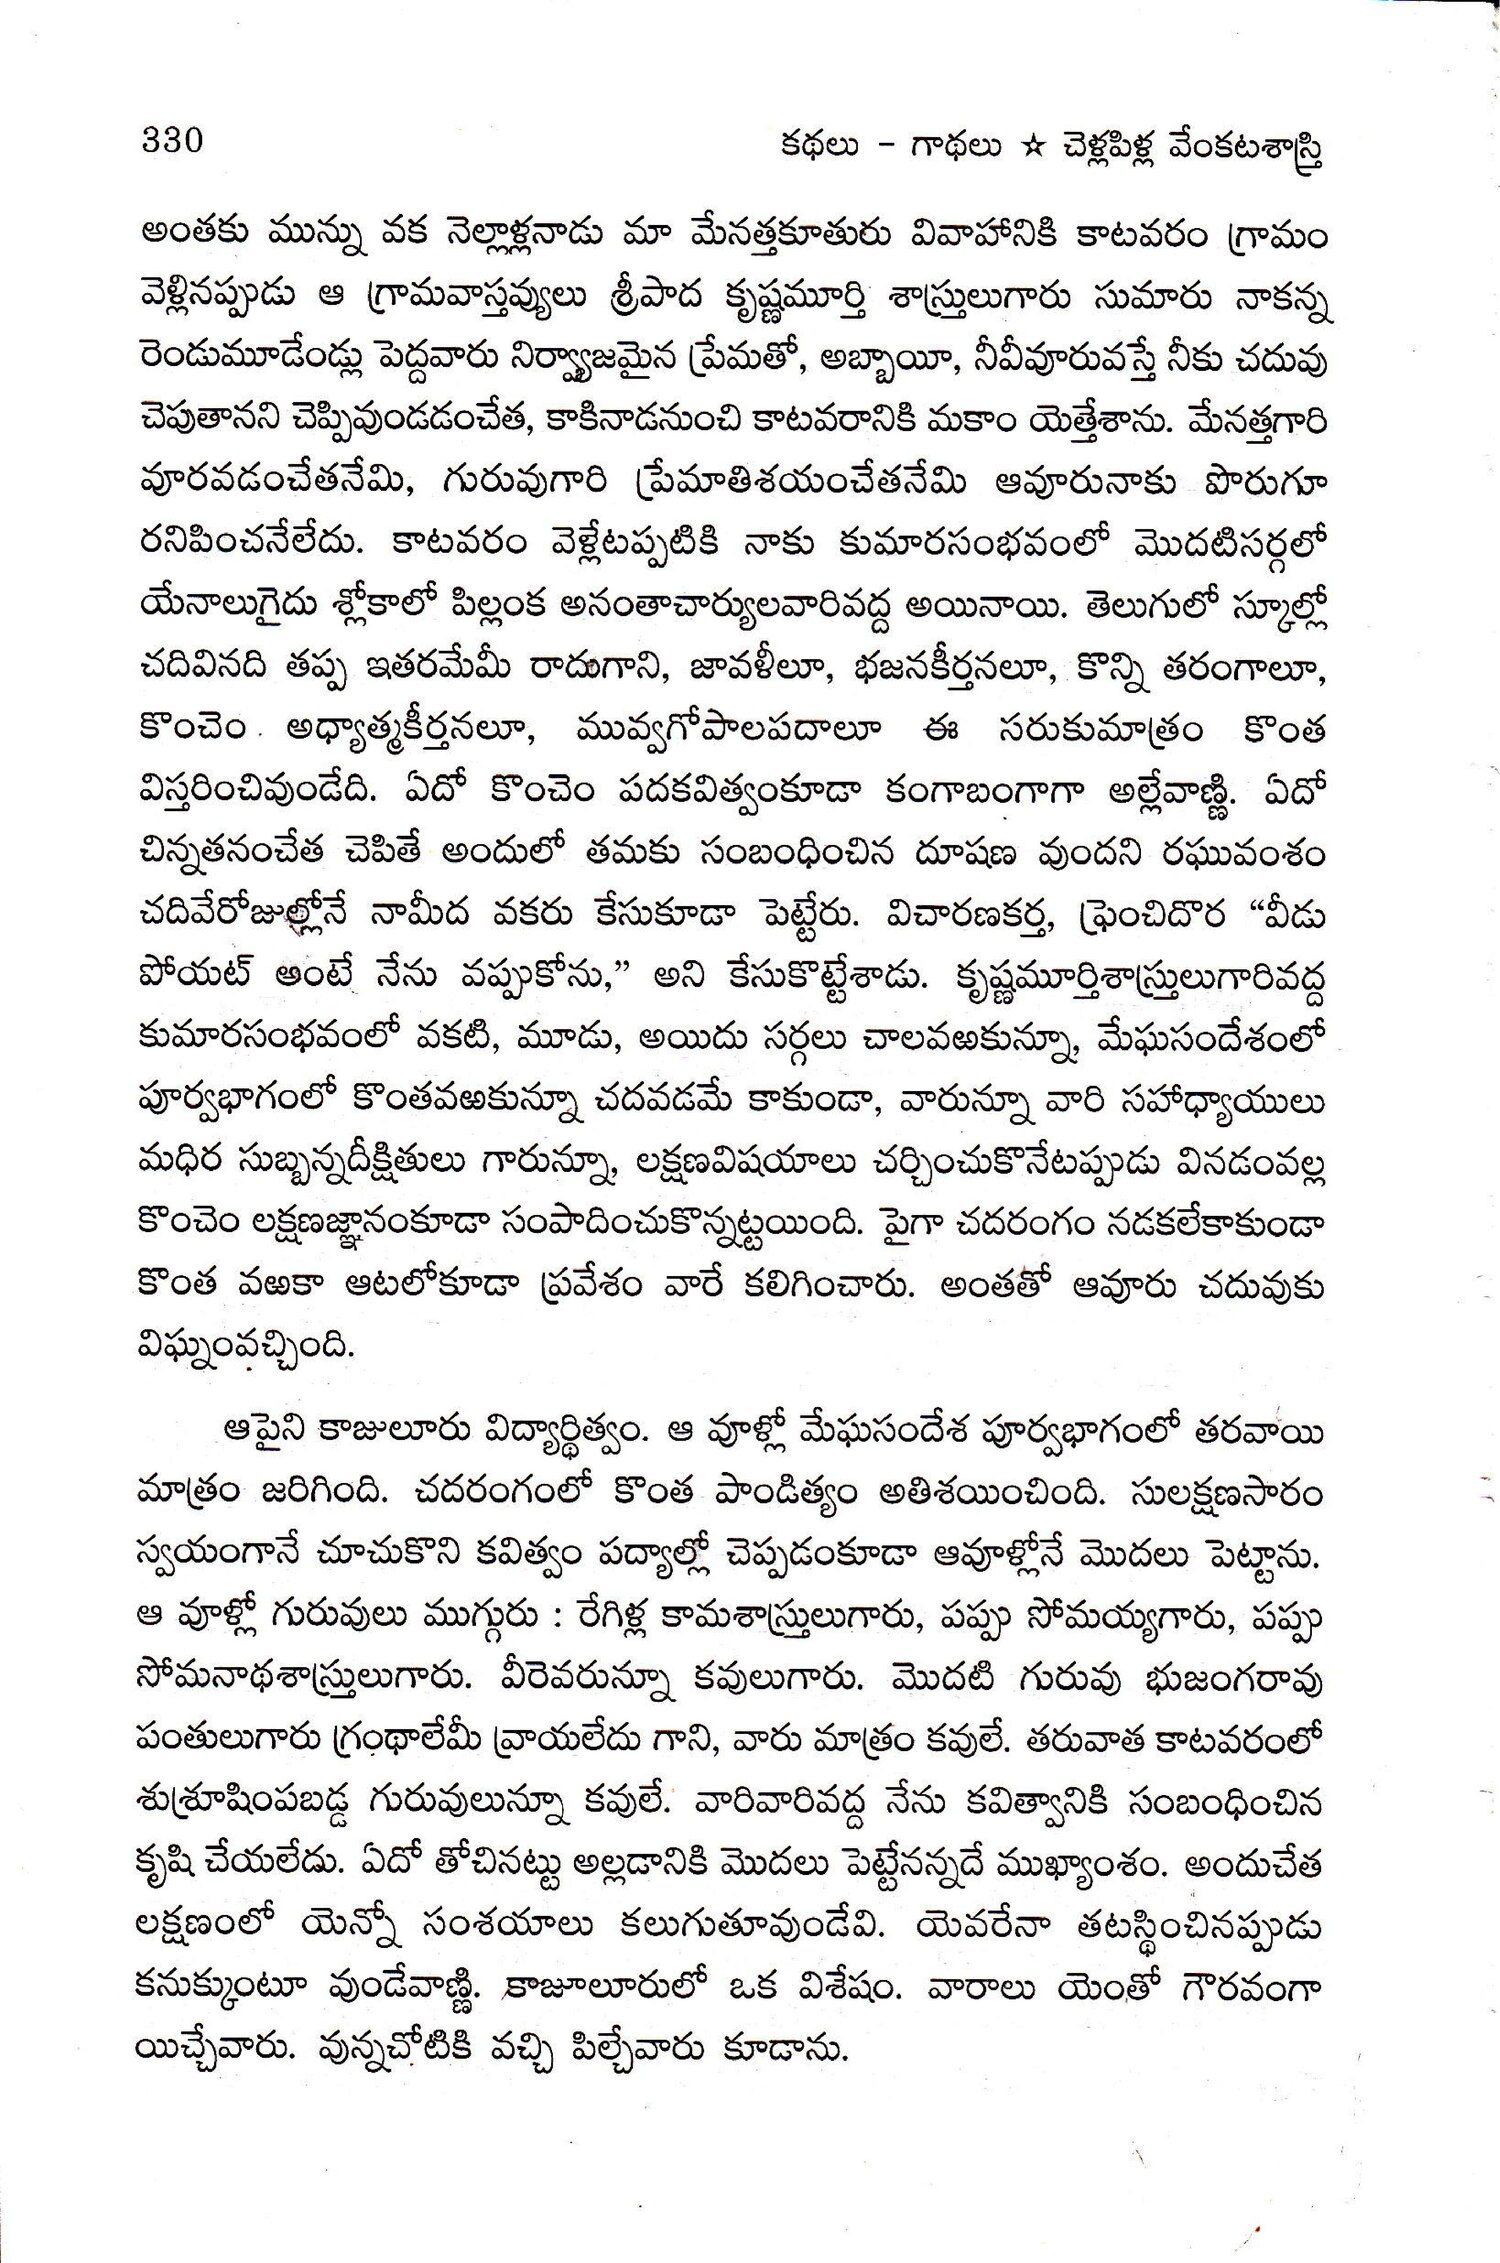అంతకు మున్ను వక నెల్లాళ్లనాడు మా మేనత్తకూతురు వివాహానికి కాటవరం గ్రామం వెళ్లినప్పుడు ఆ గ్రామవాస్తవ్యులు శ్రీపాద కృష్ణమూర్తి శాస్త్రులుగారు సుమారు నాకన్న రెండుమూడేండ్లు పెద్దవారు నిర్వ్యాజమైన ప్రేమతో, అబ్బాయీ, నీవీవూరువస్తే నీకు చదువు చెపుతానని చెప్పివుండడంచేత, కాకినాడనుంచి కాటవరానికి మకాం యెత్తేశాను. మేనత్తగారి వూరవడంచేతనేమి, గురువుగారి ప్రేమాతిశయంచేతనేమి ఆవూరునాకు పొరుగూరనిపించనేలేదు. కాటవరం వెళ్లేటప్పటికి నాకు కుమారసంభవంలో మొదటిసర్గలో యేనాలుగైదు శ్లోకాలో పిల్లంక అనంతాచార్యులవారివద్ద అయినాయి. తెలుగులో స్కూల్లో చదివినది తప్ప ఇతరమేమీ రాదుగాని, జావళీలూ, భజనకీర్తనలూ, కొన్ని తరంగాలూ, కొంచెం . అధ్యాత్మకీర్తనలూ, మువ్వగోపాలపదాలూ ఈ సరుకుమాత్రం కొంత విస్తరించివుండేది. ఏదో కొంచెం పదకవిత్వంకూడా కంగాబంగాగా అల్లేవాణ్ణి. ఏదో చిన్నతనంచేత చెపితే అందులో తమకు సంబంధించిన దూషణ వుందని రఘువంశం చదివేరోజుల్లోనే నామీద వకరు కేసుకూడా పెట్టేరు. విచారణకర్త, ఫ్రెంచిదొర “వీడు పోయట్ అంటే నేను వప్పుకోను,” అని కేసుకొట్టేశాడు. కృష్ణమూర్తిశాస్త్రులుగారివద్ద కుమారసంభవంలో వకటి, మూడు, అయిదు సర్గలు చాలవఱకున్నూ, మేఘసందేశంలో పూర్వభాగంలో కొంతవఱకున్నూ చదవడమే కాకుండా, వారున్నూ వారి సహాధ్యాయులు మధిర సుబ్బన్నదీక్షితులు గారున్నూ లక్షణవిషయాలు చర్చించుకొనేటప్పుడు వినడంవల్ల కొంచెం లక్షణజ్ఞానంకూడా సంపాదించుకొన్నట్టయింది. పైగా చదరంగం నడకలేకాకుండా కొంత వఱకా ఆటలోకూడా ప్రవేశం వారే కలిగించారు. అంతతో ఆవూరు చదువుకు విఘ్నంవచ్చింది.

ఆపైని కాజులూరు విద్యార్ధిత్వం. ఆ వూళ్లో మేఘసందేశ పూర్వభాగంలో తరవాయి మాత్రం జరిగింది. చదరంగంలో కొంత పాండిత్యం అతిశయించింది. సులక్షణసారం స్వయంగానే చూచుకొని కవిత్వం పద్యాల్లో చెప్పడంకూడా ఆవూళ్లోనే మొదలు పెట్టాను. ఆ వూళ్లో గురువులు ముగ్గురు : రేగిళ్ల కామశాస్త్రులుగారు, పప్పు సోమయ్యగారు, పప్పు సోమనాథశాస్త్రులుగారు. వీరెవరున్నూ కవులుగారు. మొదటి గురువు భుజంగరావు పంతులుగారు గ్రంథాలేమీ వ్రాయలేదు గాని, వారు మాత్రం కవులే. తరువాత కాటవరంలో శుశ్రూషింపబడ్డ గురువులున్నూ కవులే. వారివారివద్ద నేను కవిత్వానికి సంబంధించిన కృషి చేయలేదు. ఏదో తోచినట్టు అల్లడానికి మొదలు పెట్టేనన్నదే ముఖ్యాంశం. అందుచేత లక్షణంలో యెన్నో సంశయాలు కలుగుతూవుండేవి. యెవరేనా తటస్థించినప్పుడు కనుక్కుంటూ వుండేవాణ్ణి. కాజూలూరులో ఒక విశేషం. వారాలు యెంతో గౌరవంగా యిచ్చేవారు. వున్నచోటికి వచ్చి పిల్చేవారు కూడాను.